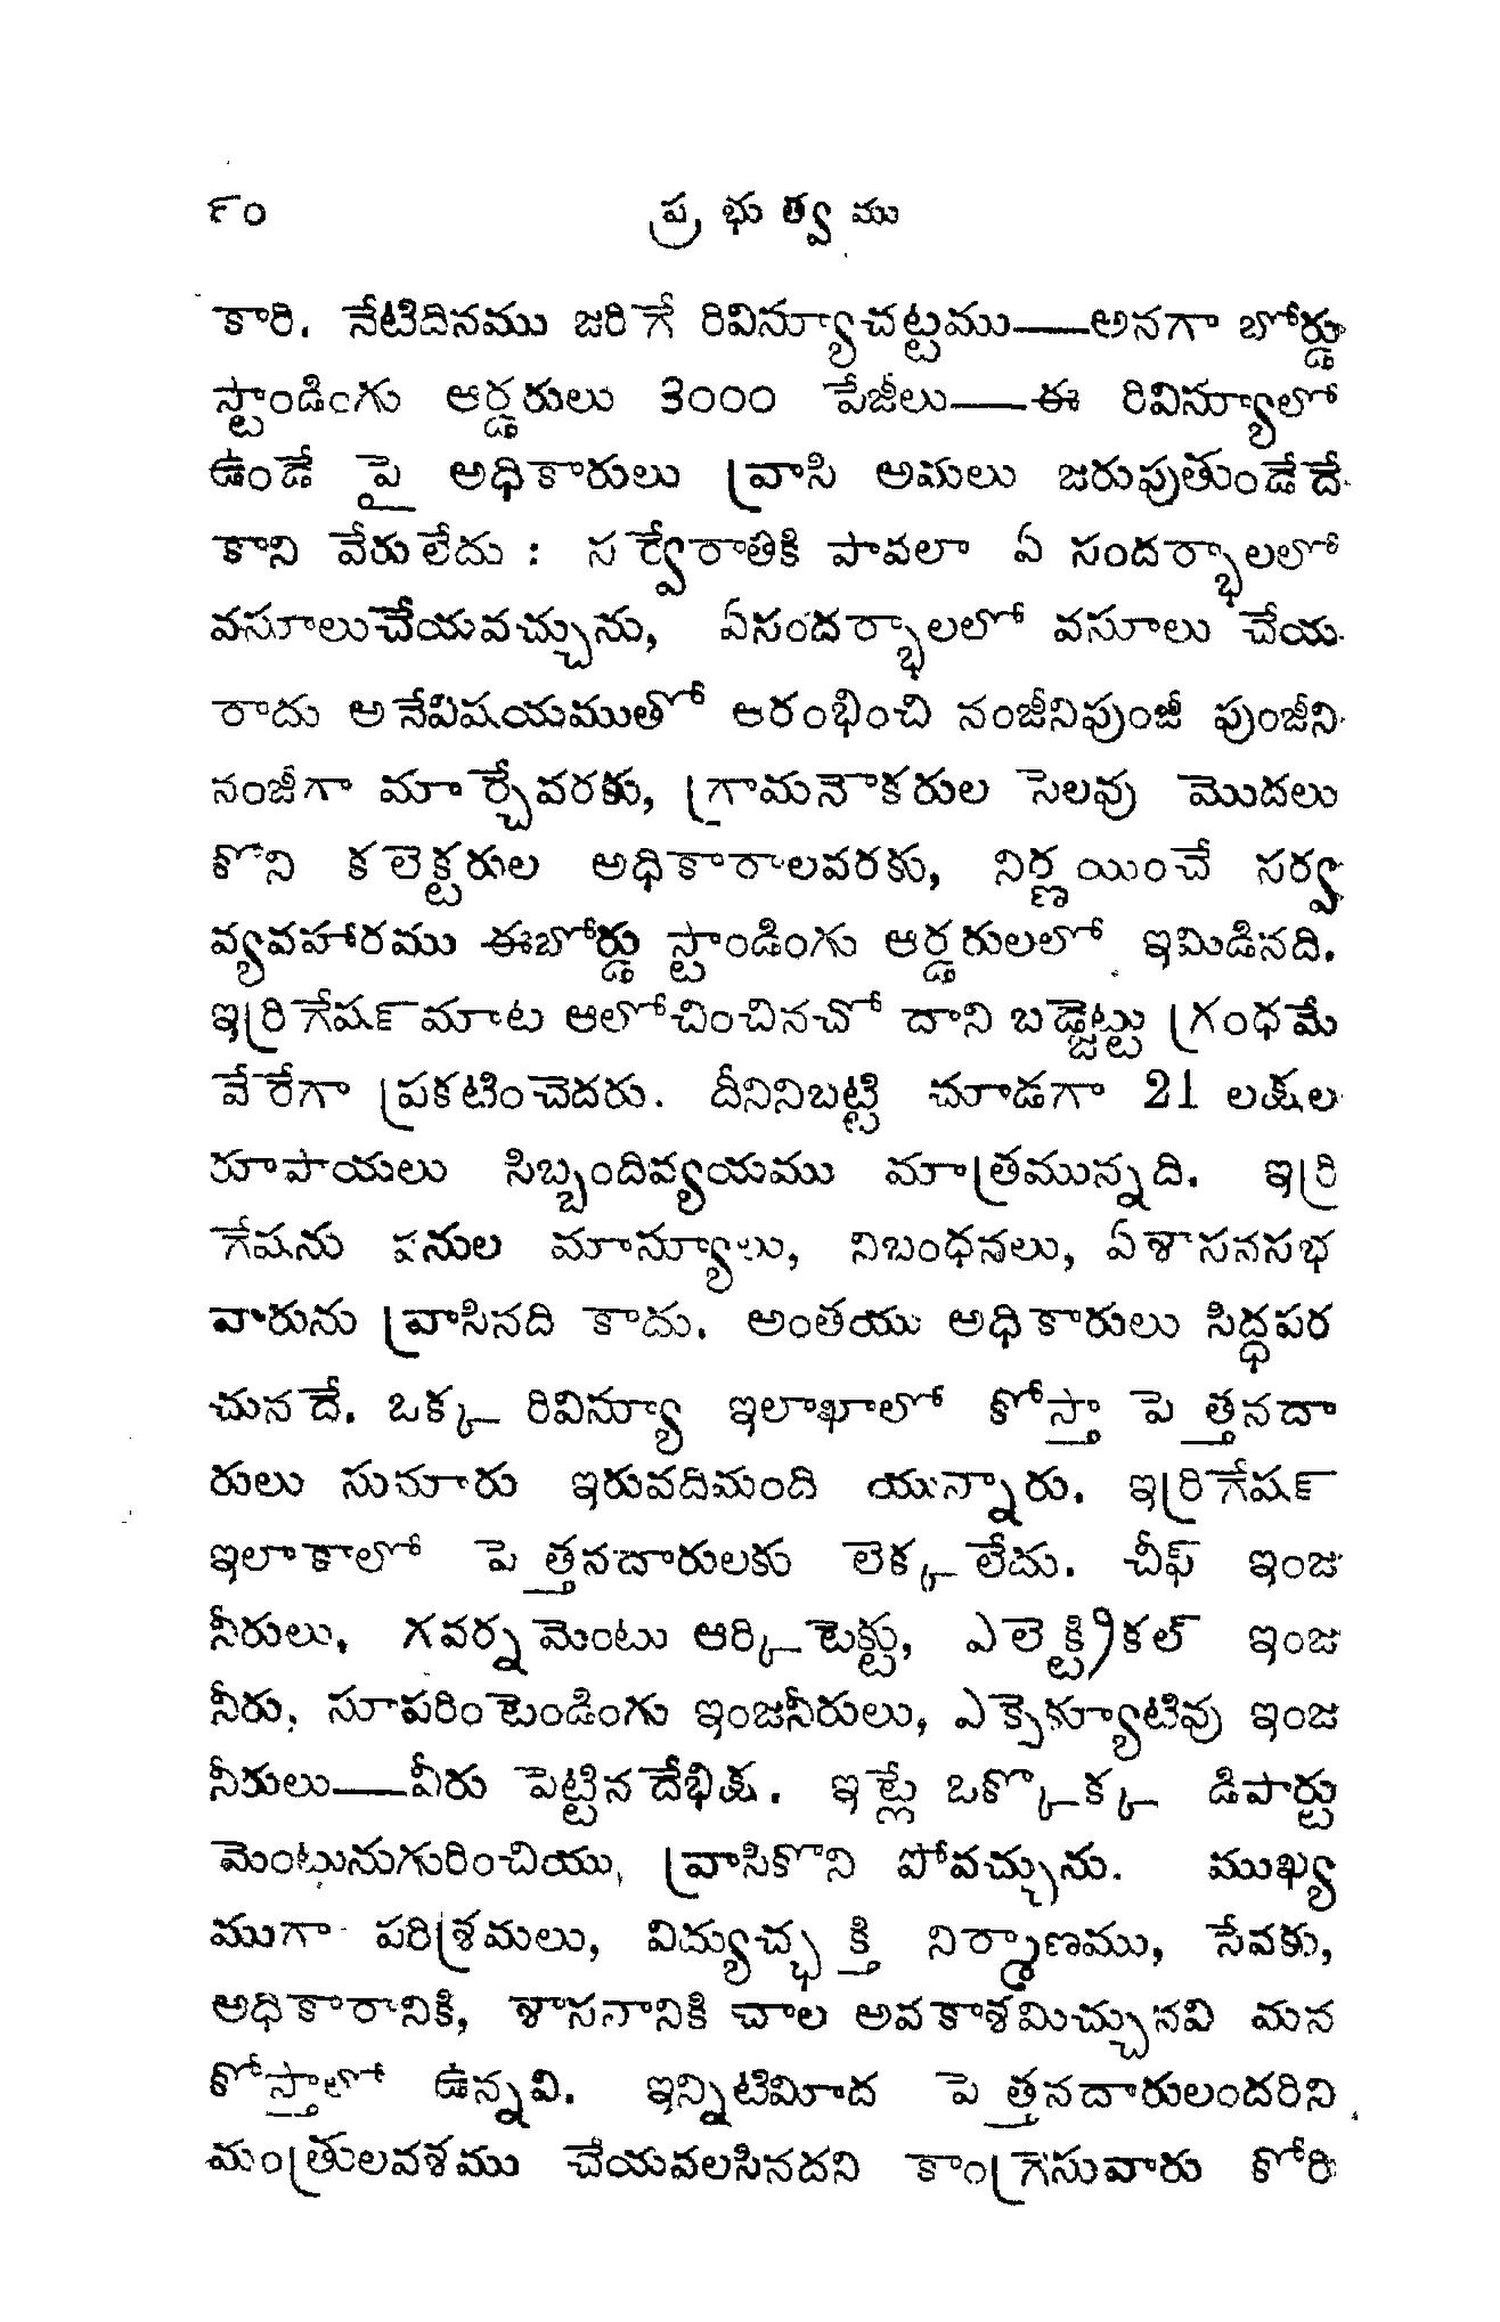కారి. నేటిదినము జరిగే రివిన్యూచట్టము అనగా బోర్డు స్టాండింగు ఆర్డరులు 3000 పేజీలు—ఈ రీవిన్యూలో ఉండే పై అధికారులు వ్రాసి అమలు జరుపుతుండేదేకాని వేరులేదు : సర్వేరాతికి పావలా ఏ సందర్భాలలో వసూలుచేయవచ్చును, ఏసందర్భాలలో వసూలు చేయరాదు అనేవిషయముతో ఆరంభించి నంజీనిపుంజీ పుంజీని నంజీగా మార్చేవరకు, గ్రామనౌకరుల సెలవు మొదలుకొని కలెక్టరుల అధికారాలవరకు, నిర్ణయించే సర్వ వ్యవహారము ఈబోర్డు స్టాండింగు ఆర్డరులలో ఇమిడినది. ఇర్రిగేషన్ మాట ఆలోచించినచో దాని బడ్జెట్టు గ్రంధమే వేరేగా ప్రకటించెదరు. దీనినిబట్టి చూడగా 21 లక్షల రూపాయలు సిబ్బందివ్యయము మాత్రమున్నది. ఇర్రిగేషను పనుల మాన్యూలు, నిబంధనలు, ఏశాసనసభవారును వ్రాసినది కాదు. అంతయు అధికారులు సిద్ధపరచునదే. ఒక్క రివిన్యూ ఇలాఖాలో కోస్తా పెత్తనదారులు సుమారు ఇరువదిమంది యున్నారు. ఇర్రిగేషన్ ఇలాకాలో పెత్తనదారులకు లెక్క లేదు. చీఫ్ ఇంజనీరులు, గవర్నమెంటు ఆర్కిటెక్టు, ఎలెక్ట్రికల్ ఇంజనీరు, సూపరింటెండింగు ఇంజనీరులు, ఎక్సెక్యూటివు ఇంజనీరులు వీరు పెట్టినదేభిక్ష. ఇట్లే ఒక్కొక్క డిపార్టుమెంటునుగురించియు, వ్రాసికొని పోవచ్చును. ముఖ్యముగా పరిశ్రమలు, విద్యుచ్ఛక్తి నిర్మాణము, సేవకు, అధికారానికి, శాసనానికి చాల అవకాశమిచ్చునవి మనకోస్తాలో ఉన్నవి. ఇన్నిటిమీద పెత్తనదారులందరిని మంత్రులవశము చేయవలసినదని కాంగ్రెసువారు కోరి